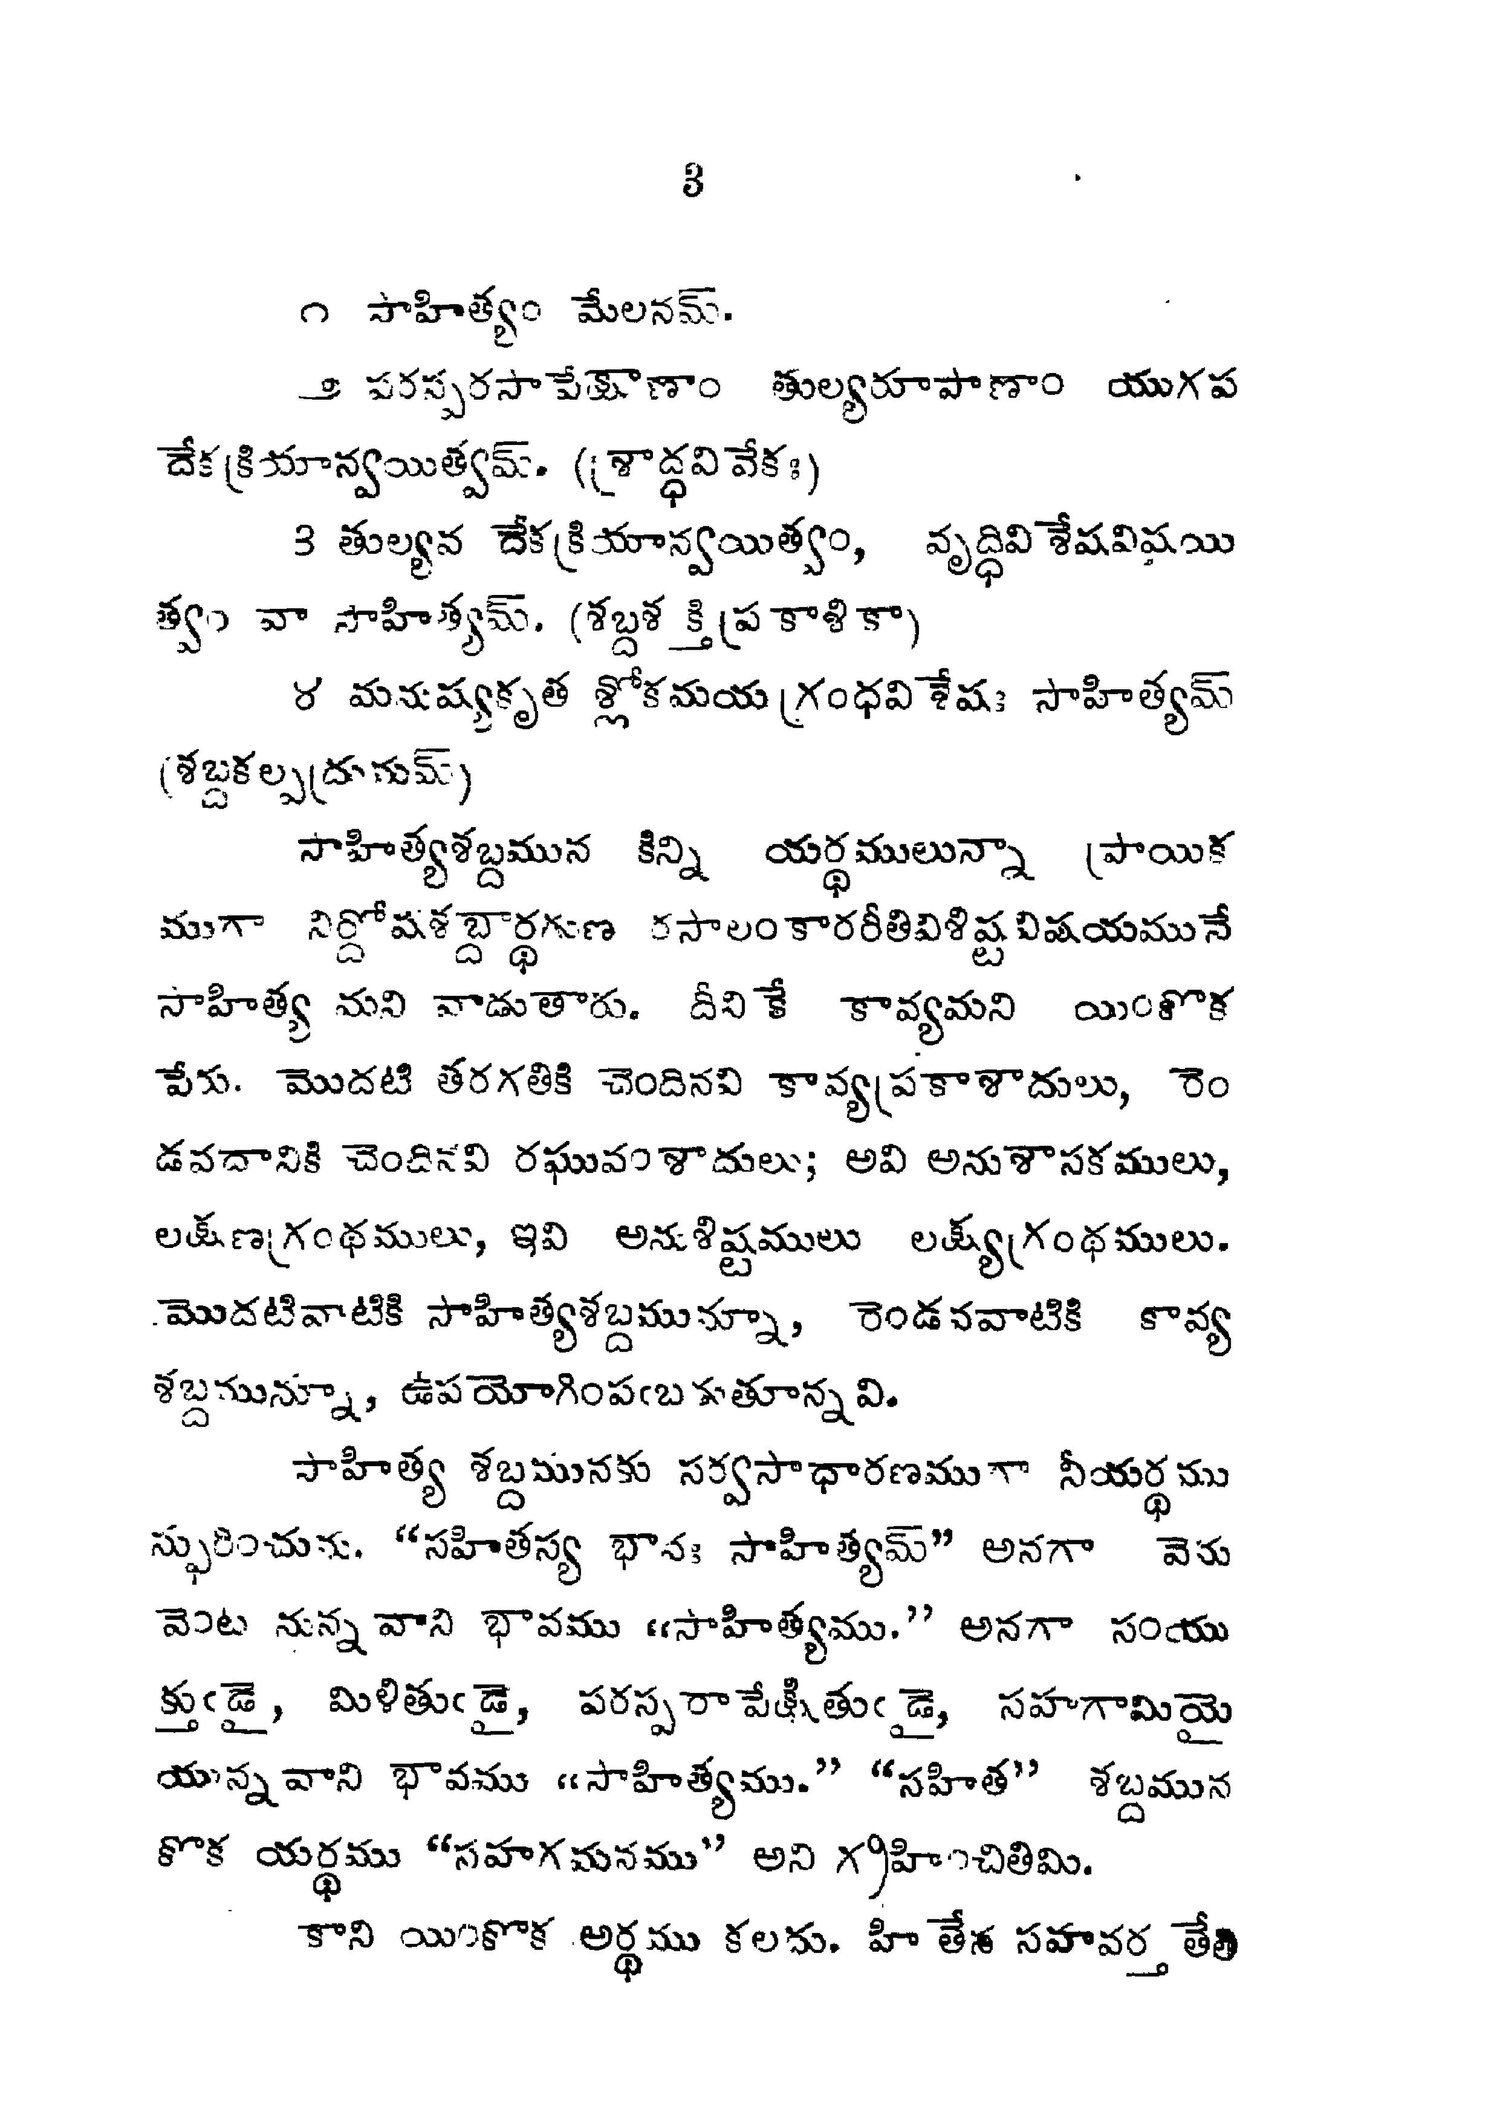1 సాహిత్యం మేలనమ్.

2 పరస్పరసాపేక్షాణాం తుల్యరూపాణాం యుగపదేకక్రియాన్వయిత్వమ్. (శ్రాద్ధవివేక:)

3 తుల్యవ దేకక్రియాన్వయిత్వం, వృద్ధివిశేషవిషయిత్వం వా సాహిత్యమ్. (శబ్దశక్తిప్రకాశికా)

4. మనుష్యకృత శ్లోకమయగ్రంధవిశేష: సాహిత్యమ్ (శబ్దకల్పద్రుమమ్)

సాహిత్యశబ్దమున కిన్ని యర్థములున్నా ప్రాయికముగా నిర్దోషశబ్దార్థగుణ రసాలంకారరీతివిశిష్ట విషయమునే సాహిత్య మని వాడుతారు. దీనికే కావ్యమని యింకొక పేరు. మొదటి తరగతికి చెందినవి కావ్యప్రకాశాదులు, రెండవదానికి చెందినవి రఘువంశాదులు; అవి అనుశాసకములు, లక్షణగ్రంథములు, ఇవి అనుశిష్టములు లక్ష్యగ్రంథములు. మొదటివాటికి సాహిత్యశబ్దమున్నూ, రెండవవాటికి కావ్య శబ్దమున్నూ, ఉపయోగింపఁబడుతూన్నవి.

సాహిత్య శబ్దమునకు సర్వసాధారణముగా నీయర్థము స్ఫురించును. "సహితస్య భావ: సాహిత్యమ్" అనగా వెను వెంట నున్నవాని భావము "సాహిత్యము". అనగా సంయుక్తుఁడై, మిళితుఁడై, పరస్పరాపేక్షితుఁడై, సహగామియై యున్నవాని భావము "సాహిత్యము". "సహిత" శబ్దమున కొక యర్థము "సహగమనము" అని గ్రహించితిమి.

కాని యింకొక అర్థము కలదు. హి తేన సహవర్త తేతి